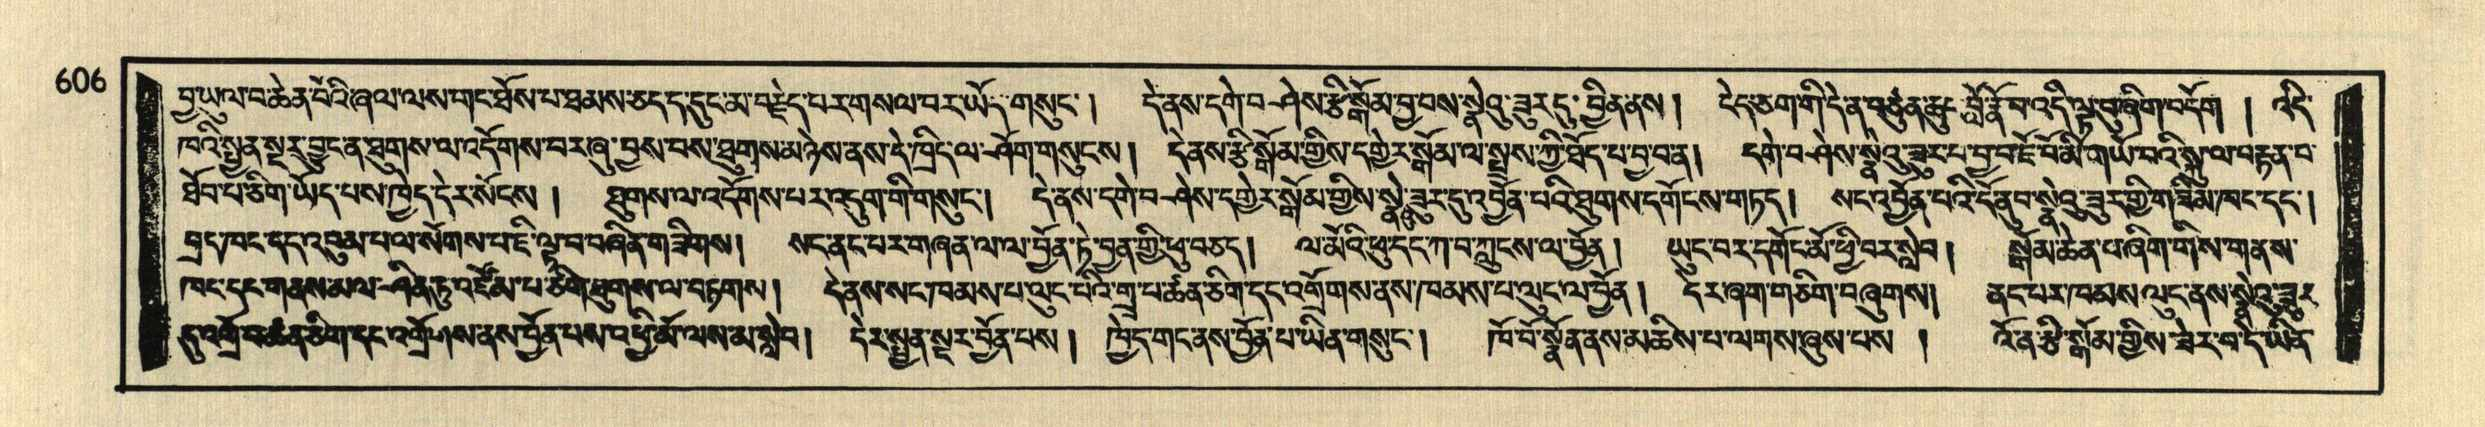བྱ་ཡུལ་བ་ཆེན་བོའི་ཞལ་ལས་གང་ཐོས་པ་ཐམས་ཅད་ད་དུང་མ་བརྗེད་པར་གསལ་བར་ཡོད་གསུང་། དེ་ནས་དགེ་བཤེས་རྩི་སྒོམ་བྱ་བས་སྣེའུ་ཟུར་དུ་བྱིན་ནས། ངེད་ཅག་གི་དེ་ན་བཙུན་ཆུང་བློ་རྣོ་བ་འདི་ལྟ་བུ་ཞིག་བདོག །འདི་
ཁའི་སྤྱན་སྔར་བྱུང་ན་ཐུགས་ལ་འདོགས་བར་ཞུ་བྱས་བས་ཐུགས་མཉེས་ནས་དེ་ཁྲིད་ལ་ཤོག་གསུངས། དེ་ནས་རྩི་སྒོམ་གྱིས་དགྱེར་སྒོམ་ལ་སྤྲས་ཀྱི་ཐོད་པ་བྱ་བ་ན། དགེ་བཤེས་སྣེའུ་ཟུར་པ་བྱ་བ་ཇོ་བོ་མི་གཡོ་བའི་སྐུ་ལ་བརྟན་བ་
ཐོབ་པ་ཅིག་ཡོད་པས་ཁྱེད་དེར་སོངས། ཐུགས་ལ་འདོགས་པར་འདུག་གི་གསུང་། དེ་ནས་དགེ་བཤེས་དགྱེར་སྒོམ་གྱིས་སྣེའུ་ཟུར་དུ་འབྱོན་པའི་ཐུགས་དགོངས་གཏད། སང་འབྱོན་པའི་དོ་ནུབ་སྣེའུ་ཟུར་གྱི་གཟིམ་ཁང་དང་།
བྲང་ཁང་དང་འབུམ་པ་ལ་སོགས་པ་ཇི་ལྟ་བ་བཞིན་གཟིགས། སང་ནང་པར་གཞན་ལ་ལ་བྱོན་ཏེ་བྱན་གྱི་ཕུ་བཅད། ལ་མོའི་ཕུ་དང་ཀ་བ་ཀླུངས་ལ་བྱོན། ཡུང་བར་དགོང་མོ་ཕྱི་བར་སླེབ། སྒོམ་ཆེན་པ་ཞིག་གིས་གནས་
ཁང་དང་གནས་མལ་ཤིན་ཏུ་འཛོམ་པ་ཅིག་ཐུགས་ལ་བཏགས། དེ་ནས་སང་ཁམས་པ་ལུང་པའི་གྲྭ་པ་ཚན་ཅིག་དང་འགྲོགས་ནས་ཁམས་པ་ལུང་ལ་བྱོན། དེར་ཞག་གཅིག་བཞུགས། ནང་པར་ཁམས་ལུང་ནས་སྣེའུ་ཟུར་
དུ་འགྲོ་བ་ཚན་ཅིག་དང་འགྲོགས་ནས་བྱོན་པས་འཕྱི་མོ་ལས་མ་སླེབ། དེར་སྤྱན་སྔར་བྱོན་པས། ཁྱེད་གང་ནས་བྱོན་པ་ཡིན་གསུང་། ཁོ་བོ་སྣོན་ནས་མཆིས་པ་ལགས་ཞུས་པས། འོ་ན་རྩི་སྒོམ་གྱིས་ཟེར་བ་དེ་ཡིན་